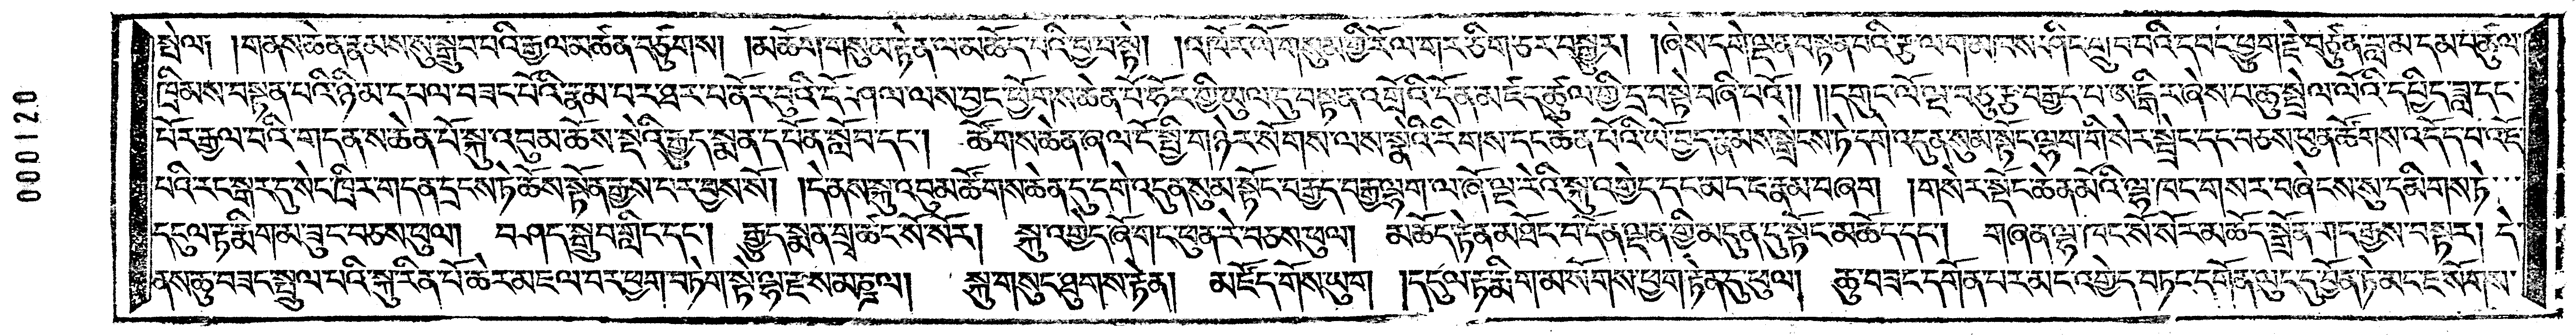སྤེལ། །གནས་ཆེན་རྣམས་སུ་སྒྲུབ་པའི་རྒྱལ་མཚན་བཙུགས། །མཆོག་གསུམ་རྟེན་ལ་མཆོད་པའི་བྱ་བ་སྟེ། །འཁོར་ལོ་གསུམ་གྱི་རོལ་གར་ཅིག་ཅར་བསྒྱུར། །ཞེས་དགེ་ལྡན་བསྟན་བའི་རྩ་ལག་མཁས་ཤིང་གྲུབ་པའི་དབང་ཕྱུག་རྗེ་བཙུན་བླ་མ་དམ་པ་ཚུལ་
ཁྲིམས་བསྟན་བའི་ཉི་མ་དཔལ་བཟང་པོའི་རྣམ་པར་ཐར་པ་ནོར་བུའི་དོ་ཤལ་ལས་བྱང་ཕྱོགས་ཆེན་པོ་ཧོར་གྱི་ཡུལ་དུ་བསྟན་འགྲོའི་དོན་མཛད་ཚུལ་གྱི་དྲ་བ་སྟེ་བཞི་བའོ།། །།དགུང་ལོ་ལྔ་བཅུ་རྩ་བརྒྱད་པ་ཨངྒིར་ཞེས་པ་ཆུ་སྦྲེལ་ལོའི་དབྱིད་ཟླ་དང་
པོར་རྒྱལ་བའི་གདན་ས་ཆེན་པོ་སྐུ་འབུམ་ཆོས་སྡེའི་རྒྱུད་སྨན་དཔོན་སློབ་དང་། ཚོགས་ཆེན་ཞལ་ངོ་སྤྱི་གཉེར་སོགས་ལས་སྣེའི་རིགས་དང་ཆེན་པོའི་ཡོ་བྱད་རྣམས་སྒྲེངས་ཏེ་དགེ་འདུན་སུམ་སྟོང་ལྷག་གི་སེར་སྦྲེང་དང་བཅས་ཕུན་ཚོགས་འདོད་པ་འཇོ་
པའི་རང་སྒར་དུ་སེང་ཁྲིར་གདན་དྲངས་ཏེ་ཆོས་སྟོན་རྒྱས་བར་བྱས་སོ། །དེ་ནས་སྐུ་འབུམ་ཚོགས་ཆེན་དུ་དགེ་འདུན་སུམ་སྟོང་བརྒྱད་བརྒྱ་ལྷག་ལ་ཞོ་ལྔ་རེའི་སྐུ་འགྱེད་དང་མང་ཇ་རྣམ་བཞག །གསེར་སྡོང་ཆེན་མོའི་ལྷ་ཁང་གསར་བཞེངས་སུ་དམིགས་ཏེ་
དངུལ་རྟ་རྨིག་མ་ཟུང་བཅས་ཕུལ། བཤད་སྒྲུབ་གླིང་དང་། རྒྱུད་སྨན་གྲྭ་ཚང་སོ་སོར། སྐུ་འགྱེད་ཞོ་གང་ཕུན་རེ་བཅས་ཕུལ། མཆོད་རྟེན་མཐོང་བ་དོན་ལྡན་གྱི་མདུན་དུ་སྟོང་མཆོད་དང་། གཞན་ལྷ་ཁང་སོ་སོར་མཆོད་སྒྲོན་གང་རྒྱས་བསྟར། དེ་
ནས་ཆུ་བཟང་སྤྲུལ་བའི་སྐུ་རིན་པོ་ཆེར་མཇལ་བར་ཕྱག་བཏེག་སྟེ་ལྷ་རྫས་མཎྜལ། སྐུ་གསུང་ཐུགས་རྟེན། མཛོད་གོས་ཡུག །དངུལ་རྟ་རྨིག་མ་སོགས་ཕྱག་རྟེན་དུ་ཕུལ། ཆུ་བཟང་དགོན་པར་མང་འགྱེད་བཏང་དགོན་ལུང་དུ་བྱོན་ཏེ་མང་ཇ་སོགས་